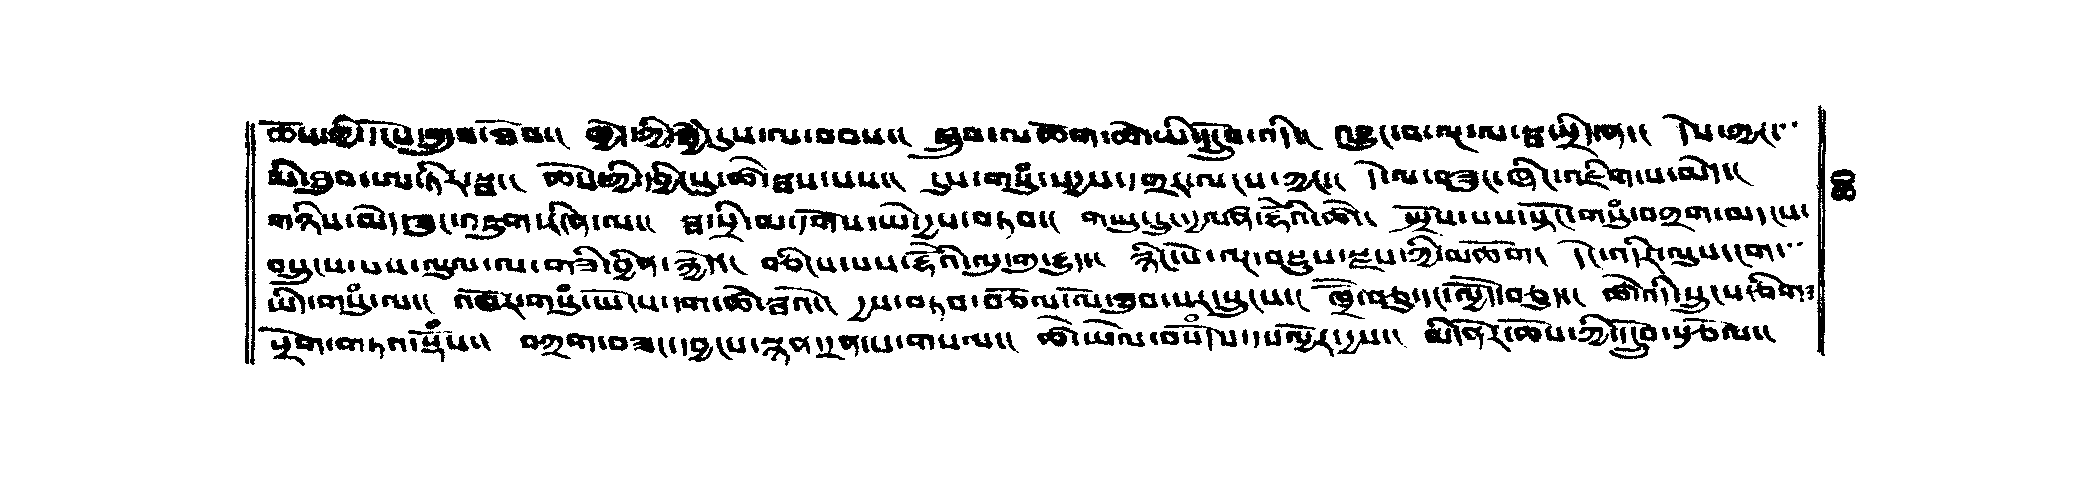ཆོས་ཀྱི་དངོས་གྲུབ་ཐོབ། ཁྱོད་ཀྱི་ཐུགས་དམ་དུས་ལ་བབས། སྒྲུབ་མཆོག་ཚེ་ཡི་དངོས་གྲུབ་འདི། འབྱུང་བ་ལྔ་ལ་སྦ་སྲིད་ན། དེས་ཀྱང་
མི་ཐུབ་ཨ་ཏིར་སྦ། ཆོས་ཀྱི་དབྱིངས་སུ་ཚེ་སྦས་པས། དུས་གསུམ་སངས་རྒྱས་དགྲར་ལངས་ཀྱང་། དེ་ལ་བཟུང་ཞིང་འཇིག་པ་མེད། 
གཉིས་མེད་ཟུང་འའཇུག་རང་བཞིན་ལ། སྦ་སྲི་མ་དགོས་ཡེ་རྒྱས་བཏབ། གཡུ་དྲུང་རྒྱལ་མཚན་རྡོ་རྗེའི་ཚེ། སྤྲོས་པས་སྟོང་གསུམ་བཀྲག་མདངས་
བསྲུངས་པས་འདུལ་ལ་གཟི་བྱིན་སྐྱེད། བཅིངས་པས་རྡོ་རྗེའི་ལུ་གུ་རྒྱུད། སྙིང་པོ་ལྔ་བསྡུས་རྫས་ཀྱི་མཆོག དེག་འདིར་ལུས་ངག་
ཡིད་གསུམ་ལ། འཁོར་གསུམ་ཡོངས་དག་ཚེ་སྦའོ། རྒྱས་བཏབ་བཅོལ་ལོ་ཐུབ་པར་སྲུངས། ཁྲོ་བོ་བཅུ་དང་ལོངས་སྤྱོད་བཅུད། ཚེ་འདི་སྲུངས་ཅིག་
སྲོག་གཏའ་སྡོམས། བཀྲག་བཟང་དབྱངས་སྙན་དྲན་པ་གསལ། ཚེ་ཡེལ་བསོད་ནམས་དཔལ་འབྱོར་རྒྱས། མི་ནོར་ཆོས་ཀྱི་དངོས་གྲུབ་སྩོལ།